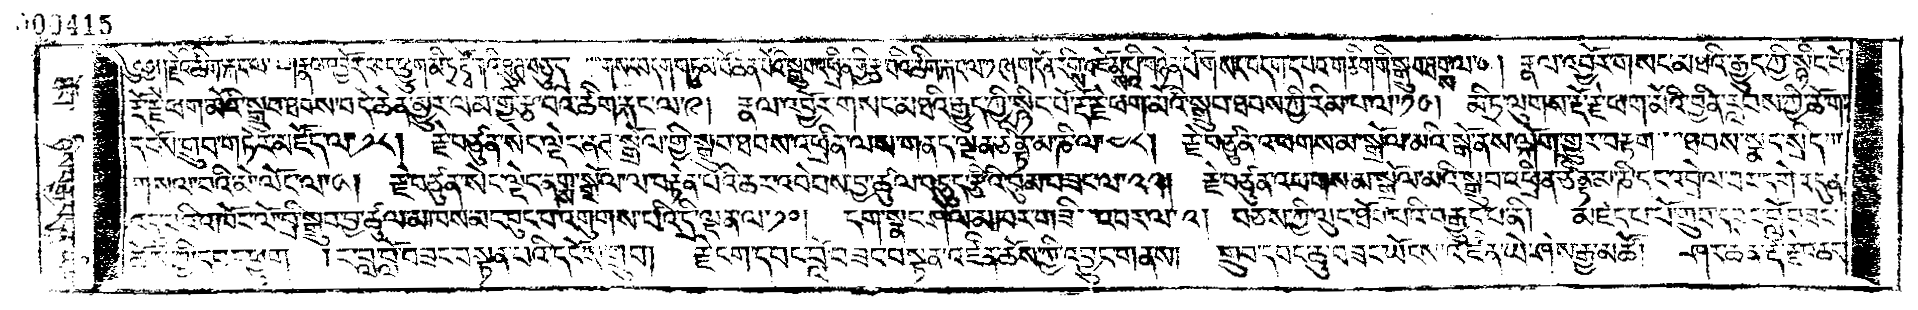༄༅། །རྗེའི་ཚིག་རྐང་ལ ༥། རྣལ་འབྱོར་དབང་ཕྱུག་མི་ཏྲ་ཛྭོ་ཀའི་ཐུཌ་བཅུད་གསང་བ་དག་གཏུམ་པོ་ཆེན་པོའི་སྒྲུབ་འཕྲིན་གྱི་རྩ་བའི་ཚིག་རྐང་ལ ༡༩། གདོན་རིགས་འཇོམས་པའི་གཉེན་པོ་གསང་བདག་དཔཌ་གཅིག་གི་སྒྲུབ་པ་ཐབས་ལ་།རྣལ་འབྱོར་གསང་མཐའི་རྒྱུད་ཀྱི་སྙིང་པོ་
རྡོ་རྗེ་ཕག་མོའི་སྒྲུབ་ཐབས་བདེ་ཆེན་མྱུར་ལམ་གྱི་རྩ་བའི་ཚིག་རྐང་ལ ༩། རྣལ་འབྱོར་གསང་མཐའི་རྒྱུད་ཀྱི་སྙིང་པོ་རྡོ་རྗེ་ཕག་མོའི་སྒྲུབ་ཐབས་ཀྱི་རིམ་པ་ལ ༡༦། མི་ཏྲ་ལུགས་རྡོ་རྗེ་ཕག་མོའི་བྱིན་རླབས་ཀྱི་ཆོ་ག་
དངོས་གྲུབ་གཏེར་མཛོད་ལ ༡༨། རྗེ་བཙུན་སེང་ལྡེང་ནཊ་སྒྲོལ་གྱི་སྒྲུབ་ཐབས་འཕྲིན་ལས་གནད་ལྡན་ཅི་ཙིནྟ་མ་ཎི་ལ ༤༨། རྗེ་བཙུན་འཕགས་མ་སྒྲོལ་མའི་སྒོ་ནས་ལྐོག་གྱུར་བརྟག་ཐབས་སྣད་སྲིད་
གསལ་བའི་མེ་ལུང་ལ ༦། རྗེ་བཙུན་སེང་ལྡེང་ནགས་སྒྲོལ་ལ་བརྟེན་པའི་ཆར་འབེབས་བྱ་ཚུལ་བདུད་རྩིའི་བུམ་བཟང་ལ ༢༢། རྗེ་བཙུན་འཕགས་མ་སྒྲོལ་མའི་སྒྲུབ་འཕྲིན་ཙིནྚ་མ་ཎི་དང་འབྲེལ་བ་དགེ་འདུན་
འདུ་བའི་འཁོར་ལོ་བྲི་སྒྲུབ་བྱ་ཚུལ་མཁས་མང་བུང་པ་འགུགས་པའི་དྲི་ལྡན་ལ༡༠། དག་སྣང་ཤེལ་མཁར་གཟི་འབར་ལ༢། བཅས་ཀྱི་ལུང་ཐོབ་པའི་བརྒྱུད་པ་ནི། མཛད་པ་པོ་གྲུབ་དབང་བློ་བཟང་
ཆོས་ཀྱི་དབང་ཕྱུག། །ར་བླ་བློ་བཟང་བསྟན་པའི་དངོས་གྲུབ། རྗེ་ངག་དབང་བློ་བཟང་བསྟན་འཛིན་ཆོས་ཀྱི་འབྱུང་གནས། གྲུབ་དབང་ཆུ་བཟང་ཡོངས་འཛིན་ཡེ་ཤེས་རྒྱ་མཚོ། ཤར་ཆེན་རྡོ་རྗེ་འཆང་